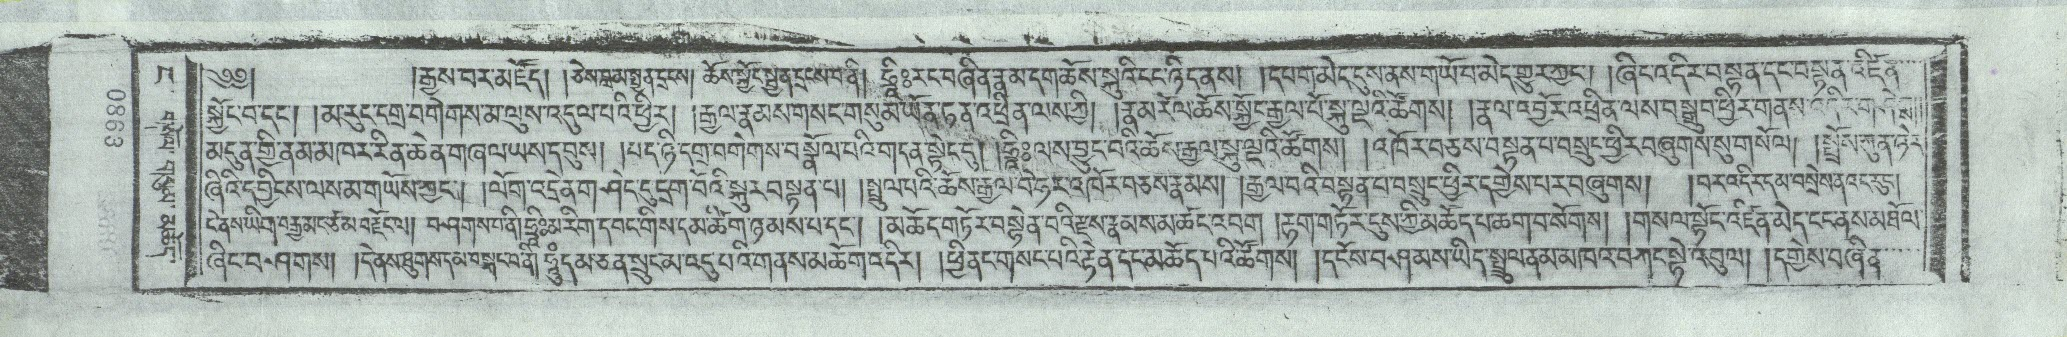༄༅། །རྒྱས་བར་མཛོད། །ཅེས་བླ་མ་སྤྱན་དྲངས། ཆོས་སྐྱོང་སྦྱན་དྲངས་པ་ནི། ཧྲཱིཿ རང་བཞིན་རྣམ་དག་ཆོས་སྐུའི་དང་ཉིད་ནས། །དཔག་མེད་དུས་ནས་གཡོ་པ་མེད་གྱུར་ཀྱང་། །ཞིང་འདིར་བསྟན་དང་བསྟན་འཛིན་
སྐྱོང་བ་དང་། །མ་རུང་དགྲ་བགེགས་མ་ལུས་འདུལ་པའི་ཕྱིར། །རྒྱལ་རྣམས་གསང་གསུམ་ཡོན་ཏན་འཕྲིན་ལས་ཀྱི། །རྣམ་རོལ་ཆོས་སྐྱོང་རྒྱལ་པོ་སྐུ་ལྔའི་ཚོགས། །རྣལ་འབྱོར་འཕྲིན་ལས་བསྒྲུབ་ཕྱིར་གནས་འདིར་གཤེགས།
མདུན་གྱི་ནམ་མཁར་རིན་ཆེན་གཞལ་ཡས་དབུས། །པད་ཉི་དགྲ་བགེགས་བསྣོལ་པའི་གདན་སྙེང་དུ། །ཧྲཱིཿ ལས་བྱུང་བའི་ཆོས་རྒྱལ་སྐུ་ལྔའི་ཚོགས། །འཁོར་བཅས་བསྟན་པ་བསྲུང་ཕྱིར་བཞུགས་སུ་གསོལ། །སྤྲོས་ཀུན་ཉེར་
ཞིའི་དབྱིངས་ལས་མ་གཡོས་ཀྱང་། །ལོག་འདྲེན་གཤེད་དུ་དྲག་བོའི་སྐུར་བསྟན་པ། །སྤྲུལ་པའི་ཆོས་རྒྱལ་བེ་ཧར་འཁོར་བཅས་རྣམས། །རྒྱལ་བའི་བསྟན་པ་བསྲུང་ཕྱིར་དགྱེས་པར་བཞུགས། །བར་འདིར་དམ་བསྲེས་ནའང་རུང་།
དེ་ནས་ཡིག་བརྒྱ་མང་ཙམ་བརྗོད་ལ། བཤགས་པ་ནི། ཧྲཱིཿ མ་རིག་དབང་གིས་དམ་ཚིག་ཉ་མས་པ་དང་། །མཆོད་གཏོར་བསྟེན་བའི་རྫས་རྣམས་མཚང་འབག །རྟག་གཏོར་དུས་ཀྱི་མཆོད་པ་ཆག་པ་སོགས། །གསལ་སྟོང་འཛིན་མེད་ངང་ནས་མཐོལ་
ཞིང་བཤགས། །དེ་ནས་ཐུགས་དམ་བསྐང་བ་ནི། ཧཱུཾ་དམ་ཅན་སྲུང་མ་འདུ་བའི་གནས་མཆོག་འདིར། །ཕྱི་ནང་གསང་པའི་རྟེན་དང་མཆོད་པའི་ཚོགས། །དངོས་བཤམས་ཡིད་སྤྲུལ་ནམ་མཁའ་བཀང་སྟེ་འབུལ། །དགྱེས་བཞིན་